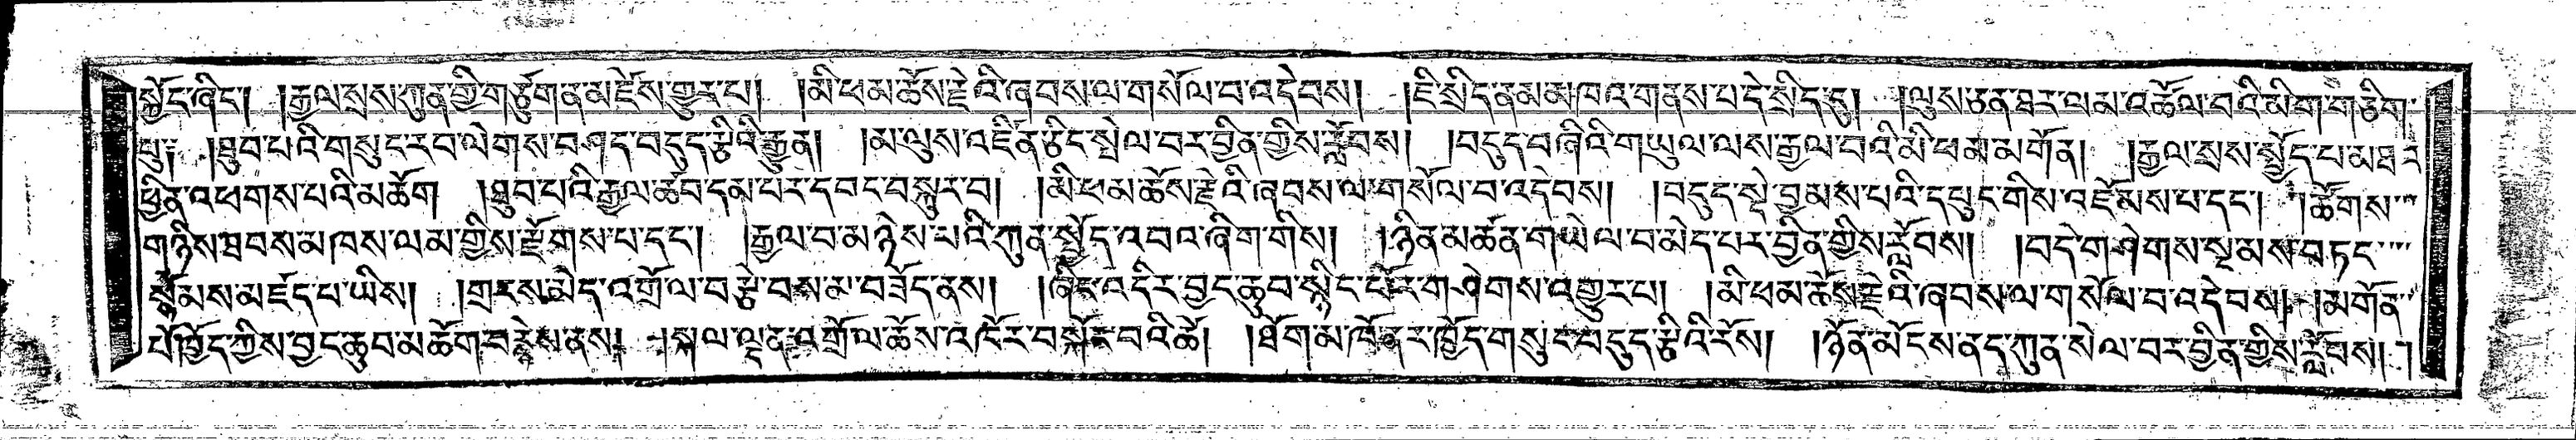སྐྱོང་ཞིང་། །རྒྱལ་སྲས་ཀུན་གྱི་གཙུག་ན་མཛེས་གྱུར་པ། །མི་ཕམ་ཆོས་རྗེའི་ཞབས་ལ་གསོལ་བ་འདེབས། །ཇི་སྲིད་ནམ་མཁའ་གནས་པ་དེ་སྲིད་དུ། །ལུས་ཅན་ཐར་ལམ་འཚོལ་བའི་མིག་གཅིག་
བུ༑ །ཐུབ་པའི་གསུང་རབ་ལེགས་བཤད་བདུད་རྩིའི་རྒྱུན། །མ་ལུས་འཛིན་ཅིང་སྤེལ་བར་བྱིན་གྱིས་རློབས། །བདུད་བཞིའི་གཡུལ་ལས་རྒྱལ་བའི་མི་ཕམ་མགོན། །རྒྱལ་སྲས་སྤྱོད་པ་མཐར་
ཕྱིན་འཕགས་པའི་མཆོག །ཐུབ་པའི་རྒྱལ་ཚབ་དམ་པར་དབང་བསྐུར་བ། །མི་ཕམ་ཆོས་རྗེའི་ཞབས་ལ་གསོལ་བ་འདེབས། །བདུད་སྡེ་བྱམས་པའི་དཔུང་གིས་འཇོམས་པ་དང་། །ཚོགས་
གཉིས་ཐབས་མཁས་ལམ་གྱིས་རྫོགས་པ་དང་། །རྒྱལ་བ་མཉེས་པའི་ཀུན་སྤྱོད་འབའ་ཞིག་གིས། །ཉིན་མཚན་གཡེལ་བ་མེད་པར་བྱིན་གྱིས་རློབས། །བདེ་གཤེགས་སྔ་མས་བཏང་
སྙོམས་མཛད་པ་ཡིས། །གྲངས་མེད་འགྲོ་ལ་བརྩེ་བས་མ་བཟོད་ནས། །ཞིང་འདིར་བྱང་ཆུབ་སྙིང་པོར་གཤེགས་འགྱུར་པ། །མི་ཕམ་ཆོས་རྗེའི་ཞབས་ལ་གསོལ་བ་འདེབས། །མགོན་
པོ་ཁྱོད་ཀྱིས་བྱང་ཆུབ་མཆོག་བརྙེས་ནས། །སྐལ་ལྡན་འགྲོ་ལ་ཆོས་འཁོར་བསྐོར་བའི་ཚེ། །ཐོག་མ་ཁོ་ནར་ཁྱོད་གསུང་བདུད་རྩིའི་རོས། །ཉོན་མོངས་ནད་ཀུན་སེལ་བར་བྱིན་གྱིས་རློབས། །